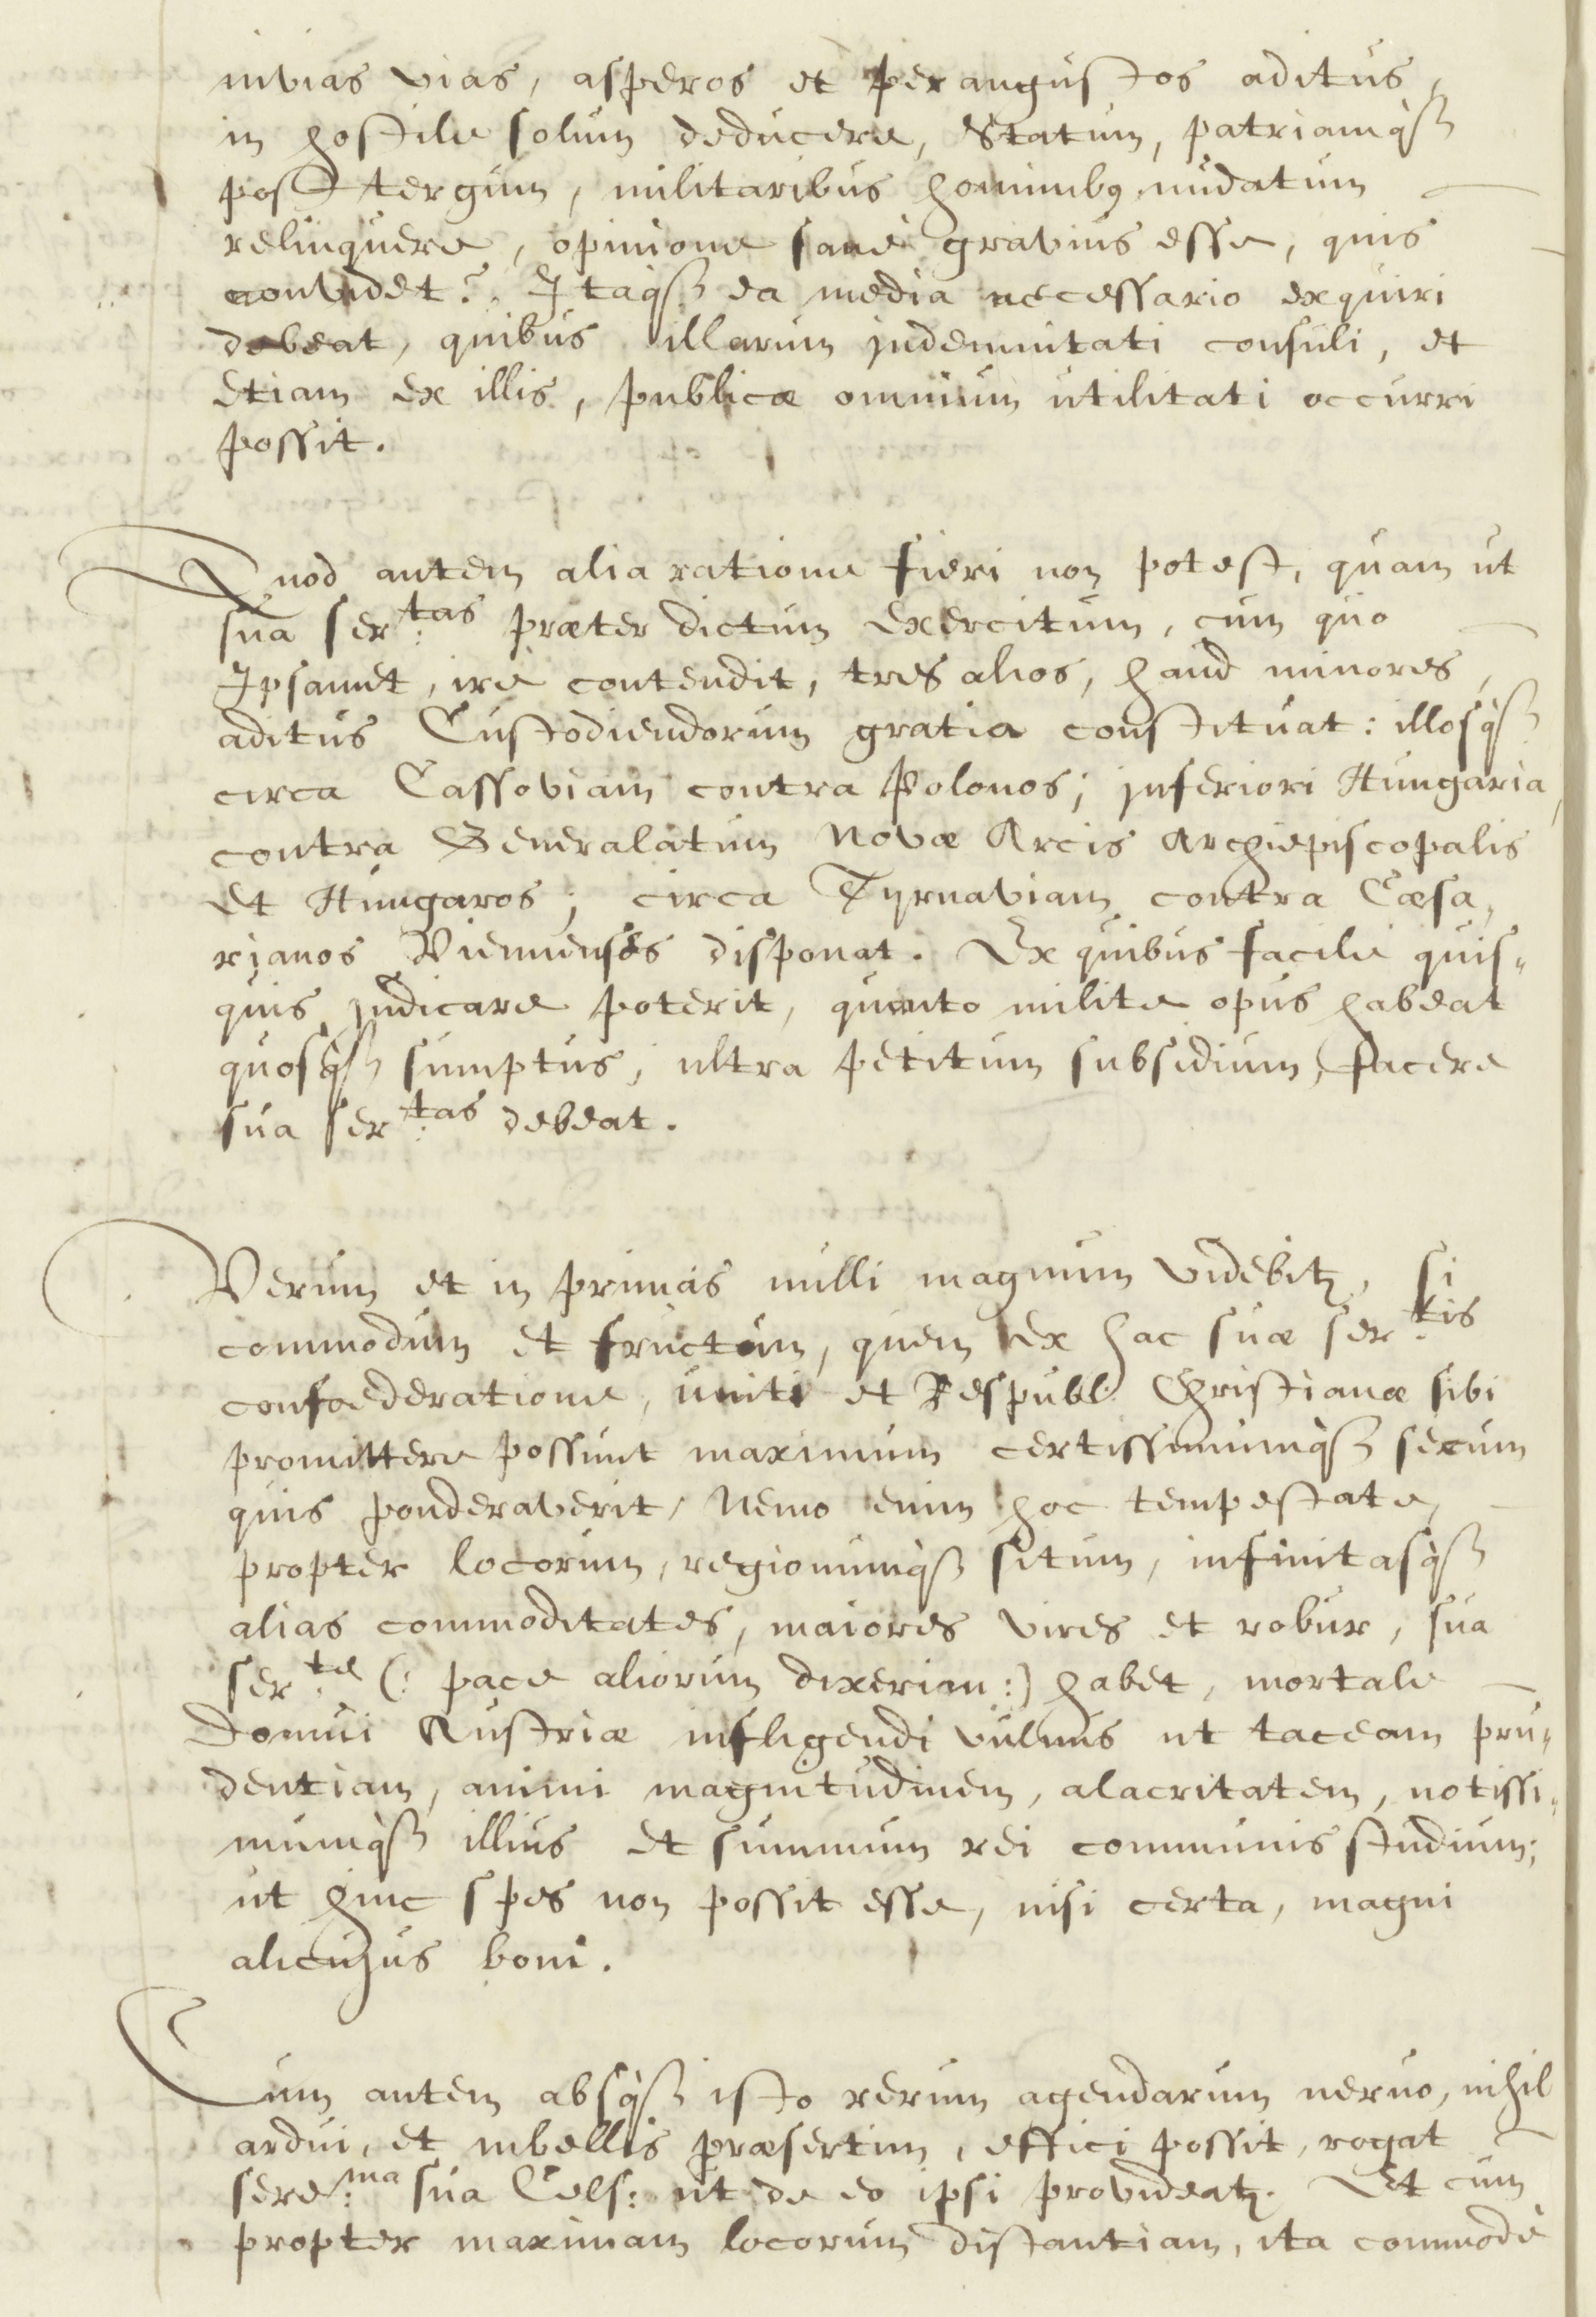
invias vias, asperos et per augustos aditus
in hostile solum deducere, statum, patriamq
post tergum, militaribus hominibq, nudatum
relinquere, opinione sane gravius esse, quis
convidet. Itaq ea media necessario exquiri
debeat, quibus illarum indemnitati consuli, et
etiam ex illis, publicæ omnium utilitati occurri
possit.
Quod autem alia ratione fieri non potest, quam ut
sua sertas præter dictum exercitum, cum quo
Ipsamet, ire contendit, tres alios haud minores
aditus Custodiendorum gratia constituat: illosq
circa Cassoviam contra Polonos; inferiori Hungaria
contra Generalatum novæ Arcis Archiepiscopalis
et Hungaros circa Tyrnaviam contra Cæsa,
rianos Viennenses disponat. Ex quibus facile quis„
quis judicare poterit, quanto milite opus habeat
quosq sumptus, ultra petitum subsidium facere
sua sertas debeat.
Verum et in primas milli magum videbit, si
commodum et fructum, quem ex hac suæ sertis
confoederatione, uniti et Respubl Cristianæ sibi
promittere possunt maximum certissimumq secum
quis ponderaverit, nemo enim hoc tempestate
propter locorum, regionumq situm, infinitasq
alias commoditates, maiores vires et robur, sua
sertis (: pace aliorum dixerim:) habet, mortale ser.
Domui Austriæ, infligendi vulnus ut taceam pru„
dentiam, amimi magintudinem, alacritatem, notissi„
mumq illius et summum rei communis studium;
ut hinc spes non possit esse, nisi certa, magni
alicujus boni.
Cum antem absq isto verum agendarum neruo, nihil
ardui, et inbellis præsertim, effici possit, rogat
serema: sua Cels: ut de eo ipsi provideat. Et cum
propter maximam locorum distantiam, ita commode
